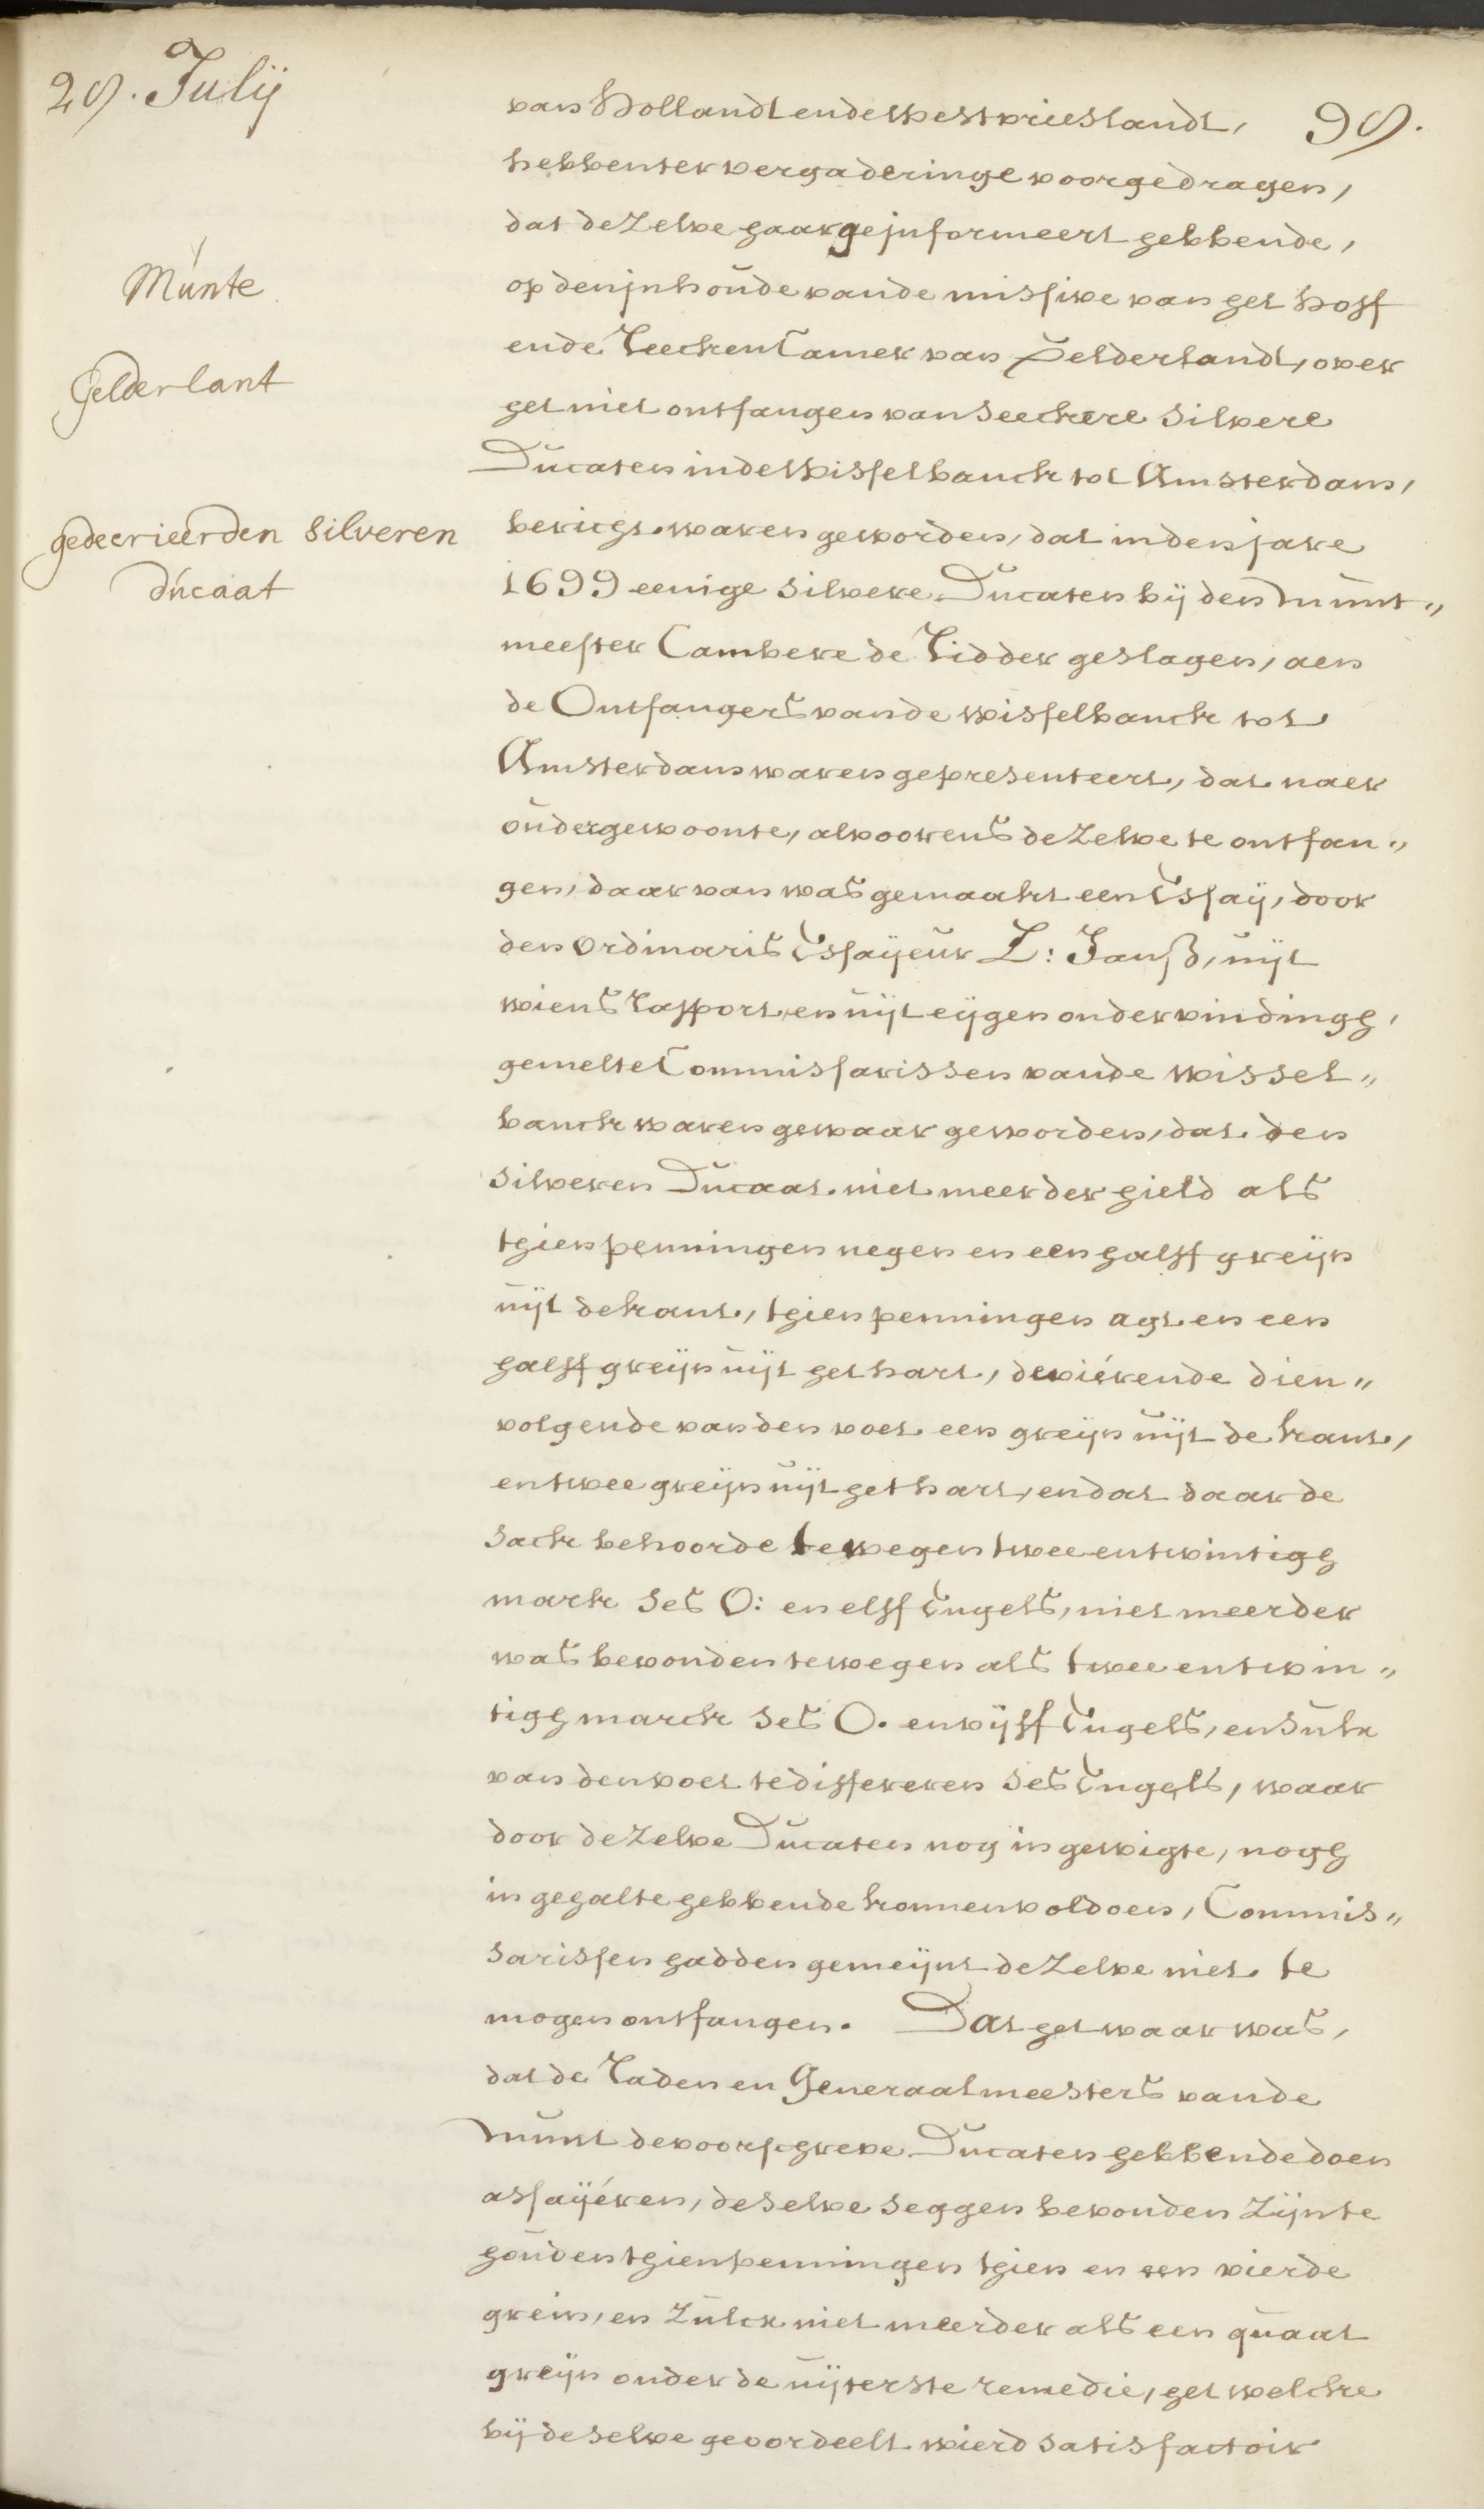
98.
29. Julij
Munte
Gelderlant
gedecrieerden silveren
ducaat
van Hollandt ende westvrieslandt,
hebben ter vergaderinge voorgedragen,
dat dezelve haar geinformeert hebbende,
op den inhoude vande missive van het Hoff
ende ReeckenCamer van Gelderlandt, over
het niet ontfangen van seeckere silvere
Ducaten inde Wisselbanck tot Amsterdam,
bericht waren geworden, dat inden jare
1699 eenige silvere Ducaten bij den Munt„
meester Cambere de Ridder geslagen, aen
de Ontfangers vande wisselbanck tot
Amsterdam waren gepresenteert, dat naer
ouder gewoonte, alvoorens dezelve te ontfan„
gen, daar van was gemaakt een Essaij, door
den Ordinaris Essaijeur L: Jansz, uijt
wiens rapport, en uijt eijgen ondervindingh,
gemelte Commissarissen vande wissel„
banck waren gewaar geworden, dat den
silveren Ducaat niet meerder hield als
thien penningen negen en een halff greijn
uijt de kant, thien penningen agt en een
halff greijn uijt het hart, de vier ende dien„
volgende van den voet een greijn uijt de kant,
en twee greijn uijt het hart, en dat daar de
sack behoorde te wegen tweeentwintigh
mark ses O: en elff Engels, niet meerder
was bevonden te wegen als tweentwin„
tigh marck ses O. en vijff Engels, en sulx
van den voet te differeren ses Engels, waar
door dezelve Ducaten nog in gewigte, nogh
in gehalte hebbende konnen voldoen, Commis„
sarissen hadden gemeijnt dezelve niet te
mogen ontfangen. Dat het waar was,
dat de Raden en Generaalmeesters vande
Munt de voorschreve Ducaten hebbende doen
assaijeren, deselve seggen bevonden zijn te
houden thien penningen thien en een vierde
grein, en zulcx niet meerder als een quaat
greijn onder de uijterste remedie, het welcke
bij deselve geoordeelt wierd satisfactoir
